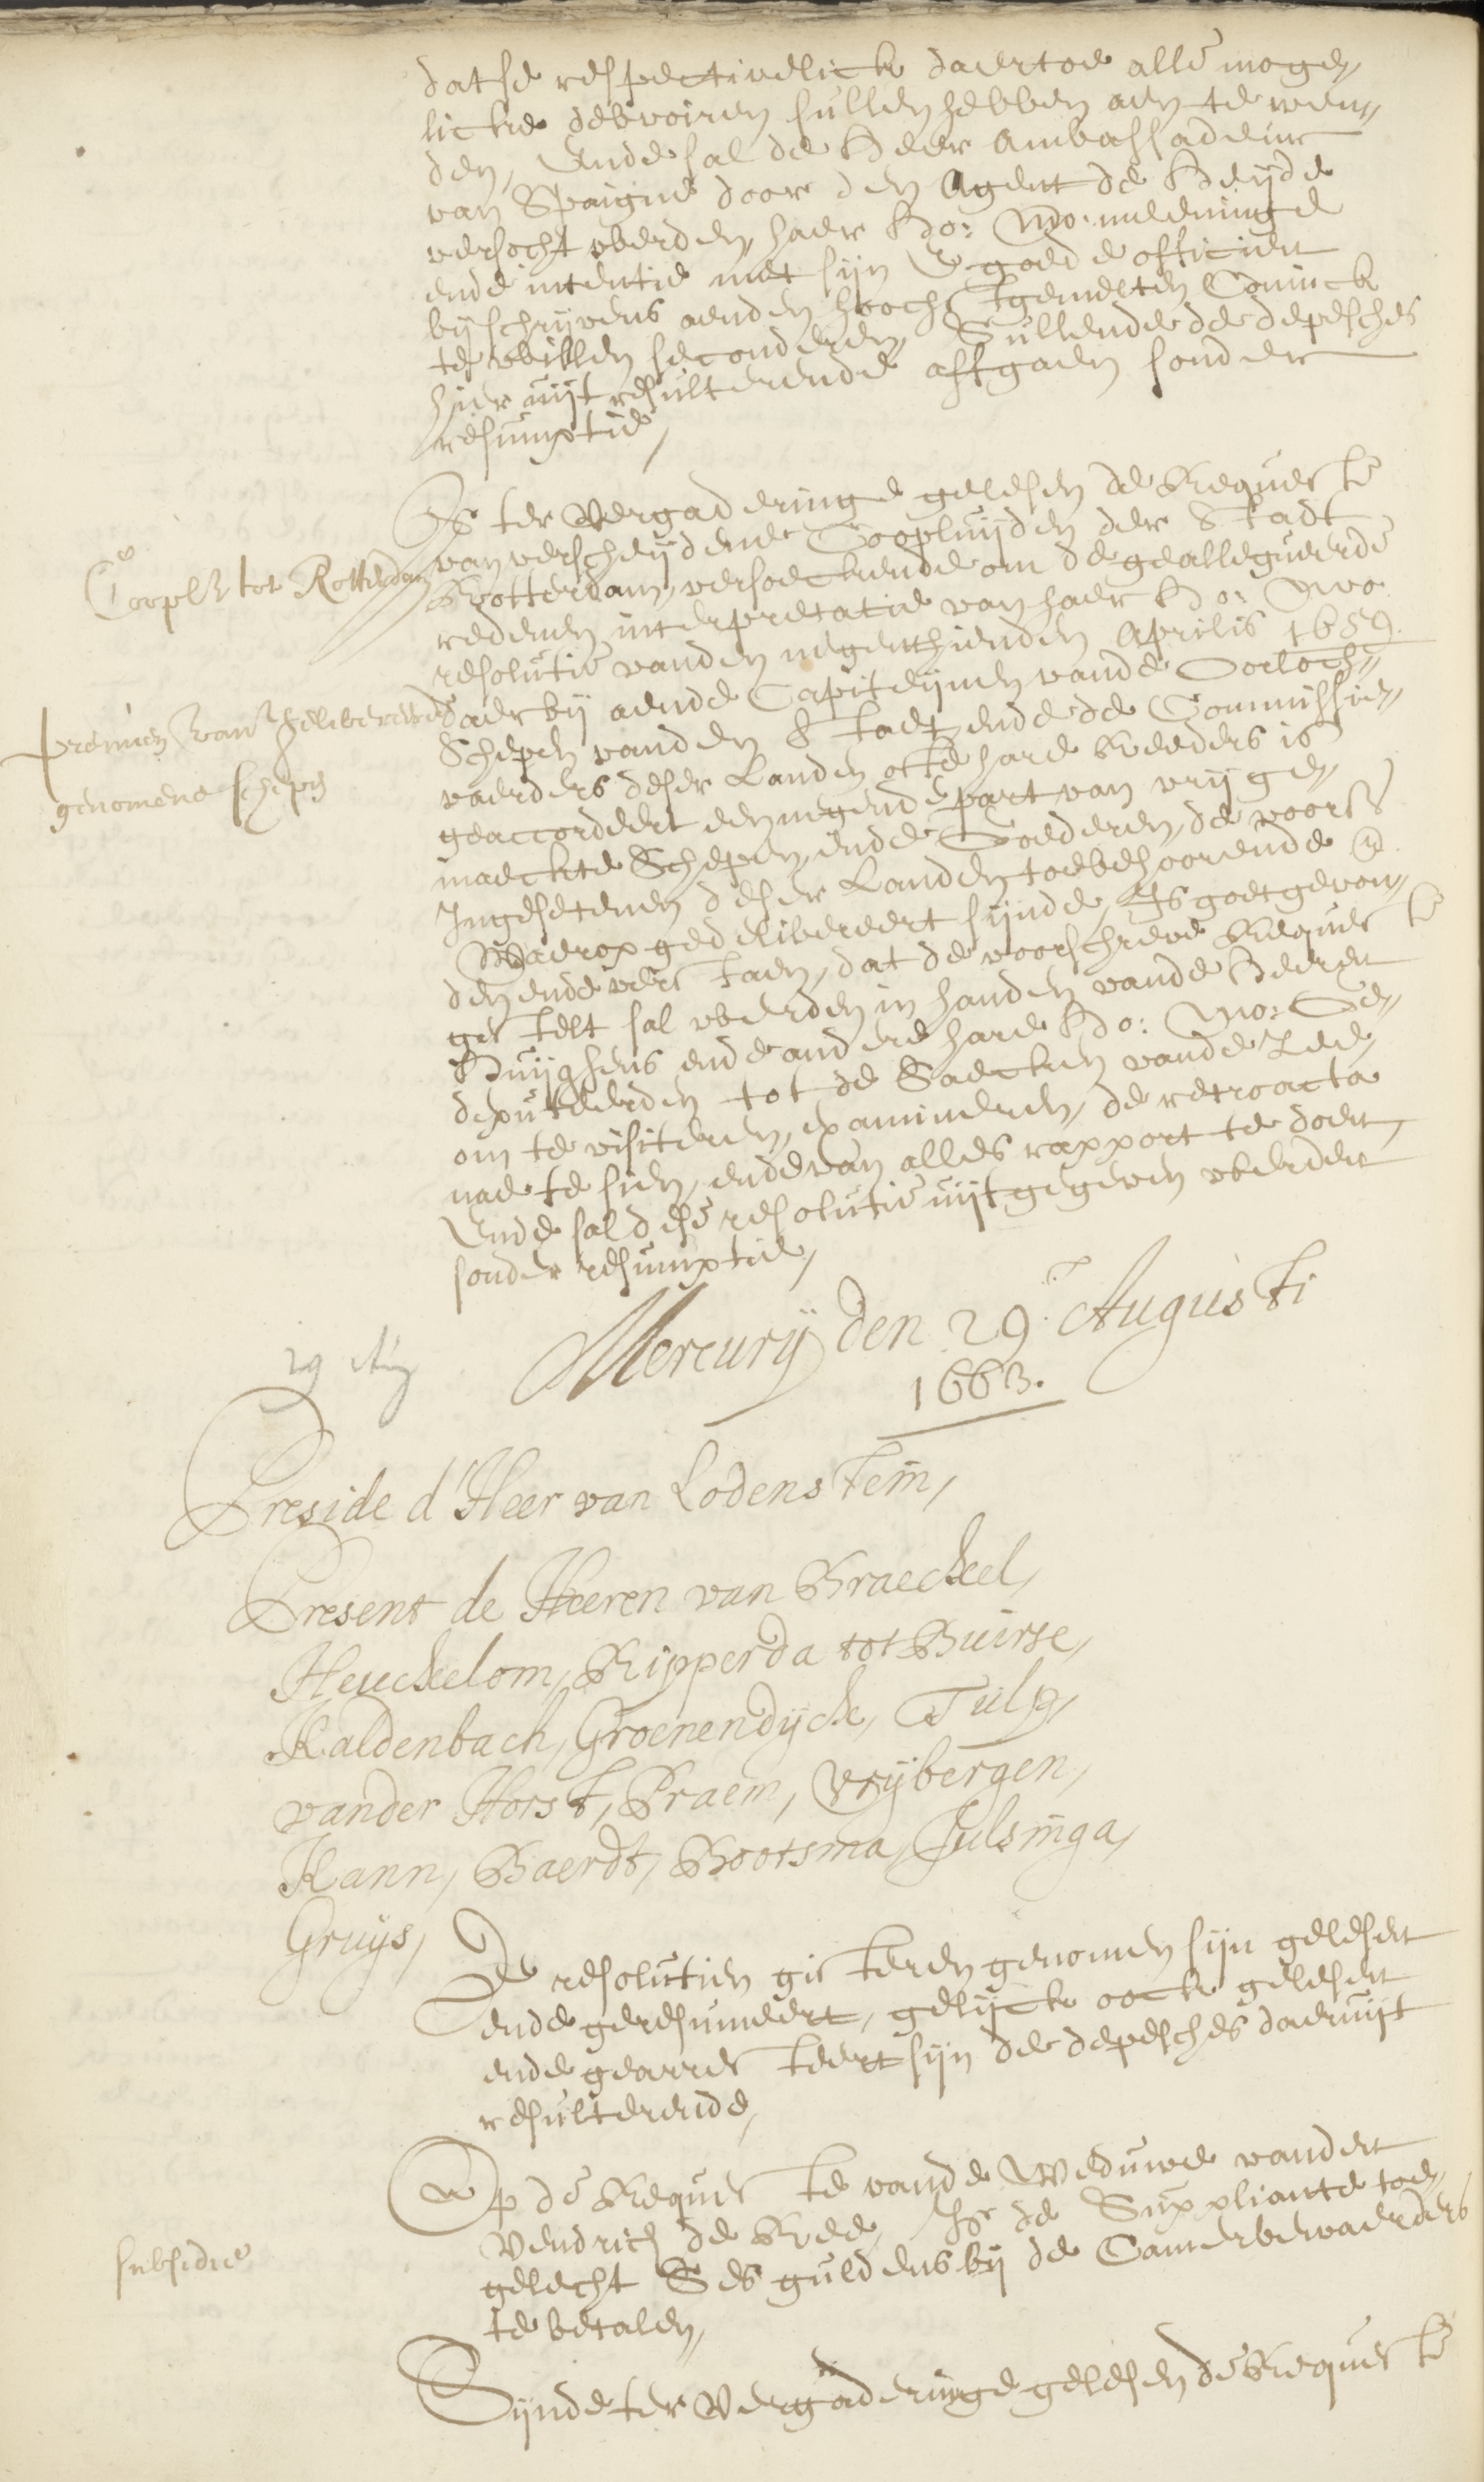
datse respectivelick daertoe alle moge„
licke debvoiren sullen hebben aen te wen„
den. Ende sal de Heer Ambassadeur
van Spaigne door den Agent de Heijde
versocht werden, haer Ho:Mo: meeninge
ende intentie met sijn E. goede officien
bij schrijvens aenden hoochstgemelten Coninck
te willen seconderen. Sullende de depesches
hier uijt resulterende affgaen sonder
resumptie.
Coopl tot Rotterdam.
Premien van gelibereerden
genomene schepen.
Is ter Vergaderinge gelesen de Requeste
van verscheijdene Coopluijden der Stadt
Rotterdam, versoeckende om de geallegueerde
redenen interpretatie van haer Ho:Mo:
resolutie vanden negenthienden Aprilis 1659
daerbij aende Capiteijnen vande Oorloch,,
Schepen vanden Staet, ende de Commissie,,
vaerders deser Landen ofte hare Reeders is
geaccordeert een negende part van vrij ge,,
maeckte Schepen, ende Goederen, de voors
Ingesetenen deser Landen toebehoorende @
Waerop gedelibereert sijnde, Is goetgevon„
den ende verstaen, dat de voorschreve Requeste
gestelt sal werden in handen vande Heeren
Huijghens ende andere hare Ho:Mo: Ge,,
deputeerden tot de Saecken vande Zee
om te visiteren, examineren, de retroacta
nae te sien, ende van alles rapport te doen.
Ende sal dese resolutie uijtgegeven werden
sonder resumptie.
29 Aug.
Mercurij den 29en Augusti
1663.
Preside d'Heer van Lodenstein.
Present de Heeren van Braeckel,
Heuckelom, Ripperda tot Buirse,
Kaldenbach, Groenendijck, Tulp,
vander Horst, Praem, Vrijbergen,
Kann, Baerdt, Bootsma, Julsinga,
Gruijs.
De resolutien gisteren genomen sijn gelesen
ende geresumeert, gelijck oock gelesen
ende gearresteert sijn de depesches daeruijt
resulterende.
Subsidie
Op de Requeste vande weduwe vanden
Vendrich de Ree. Is de Suppliante toe„
gelecht Ses guldens bij de Camerbewaerders
te betalen.
Sijnde ter Vergaderinge gelesen de Requeste
